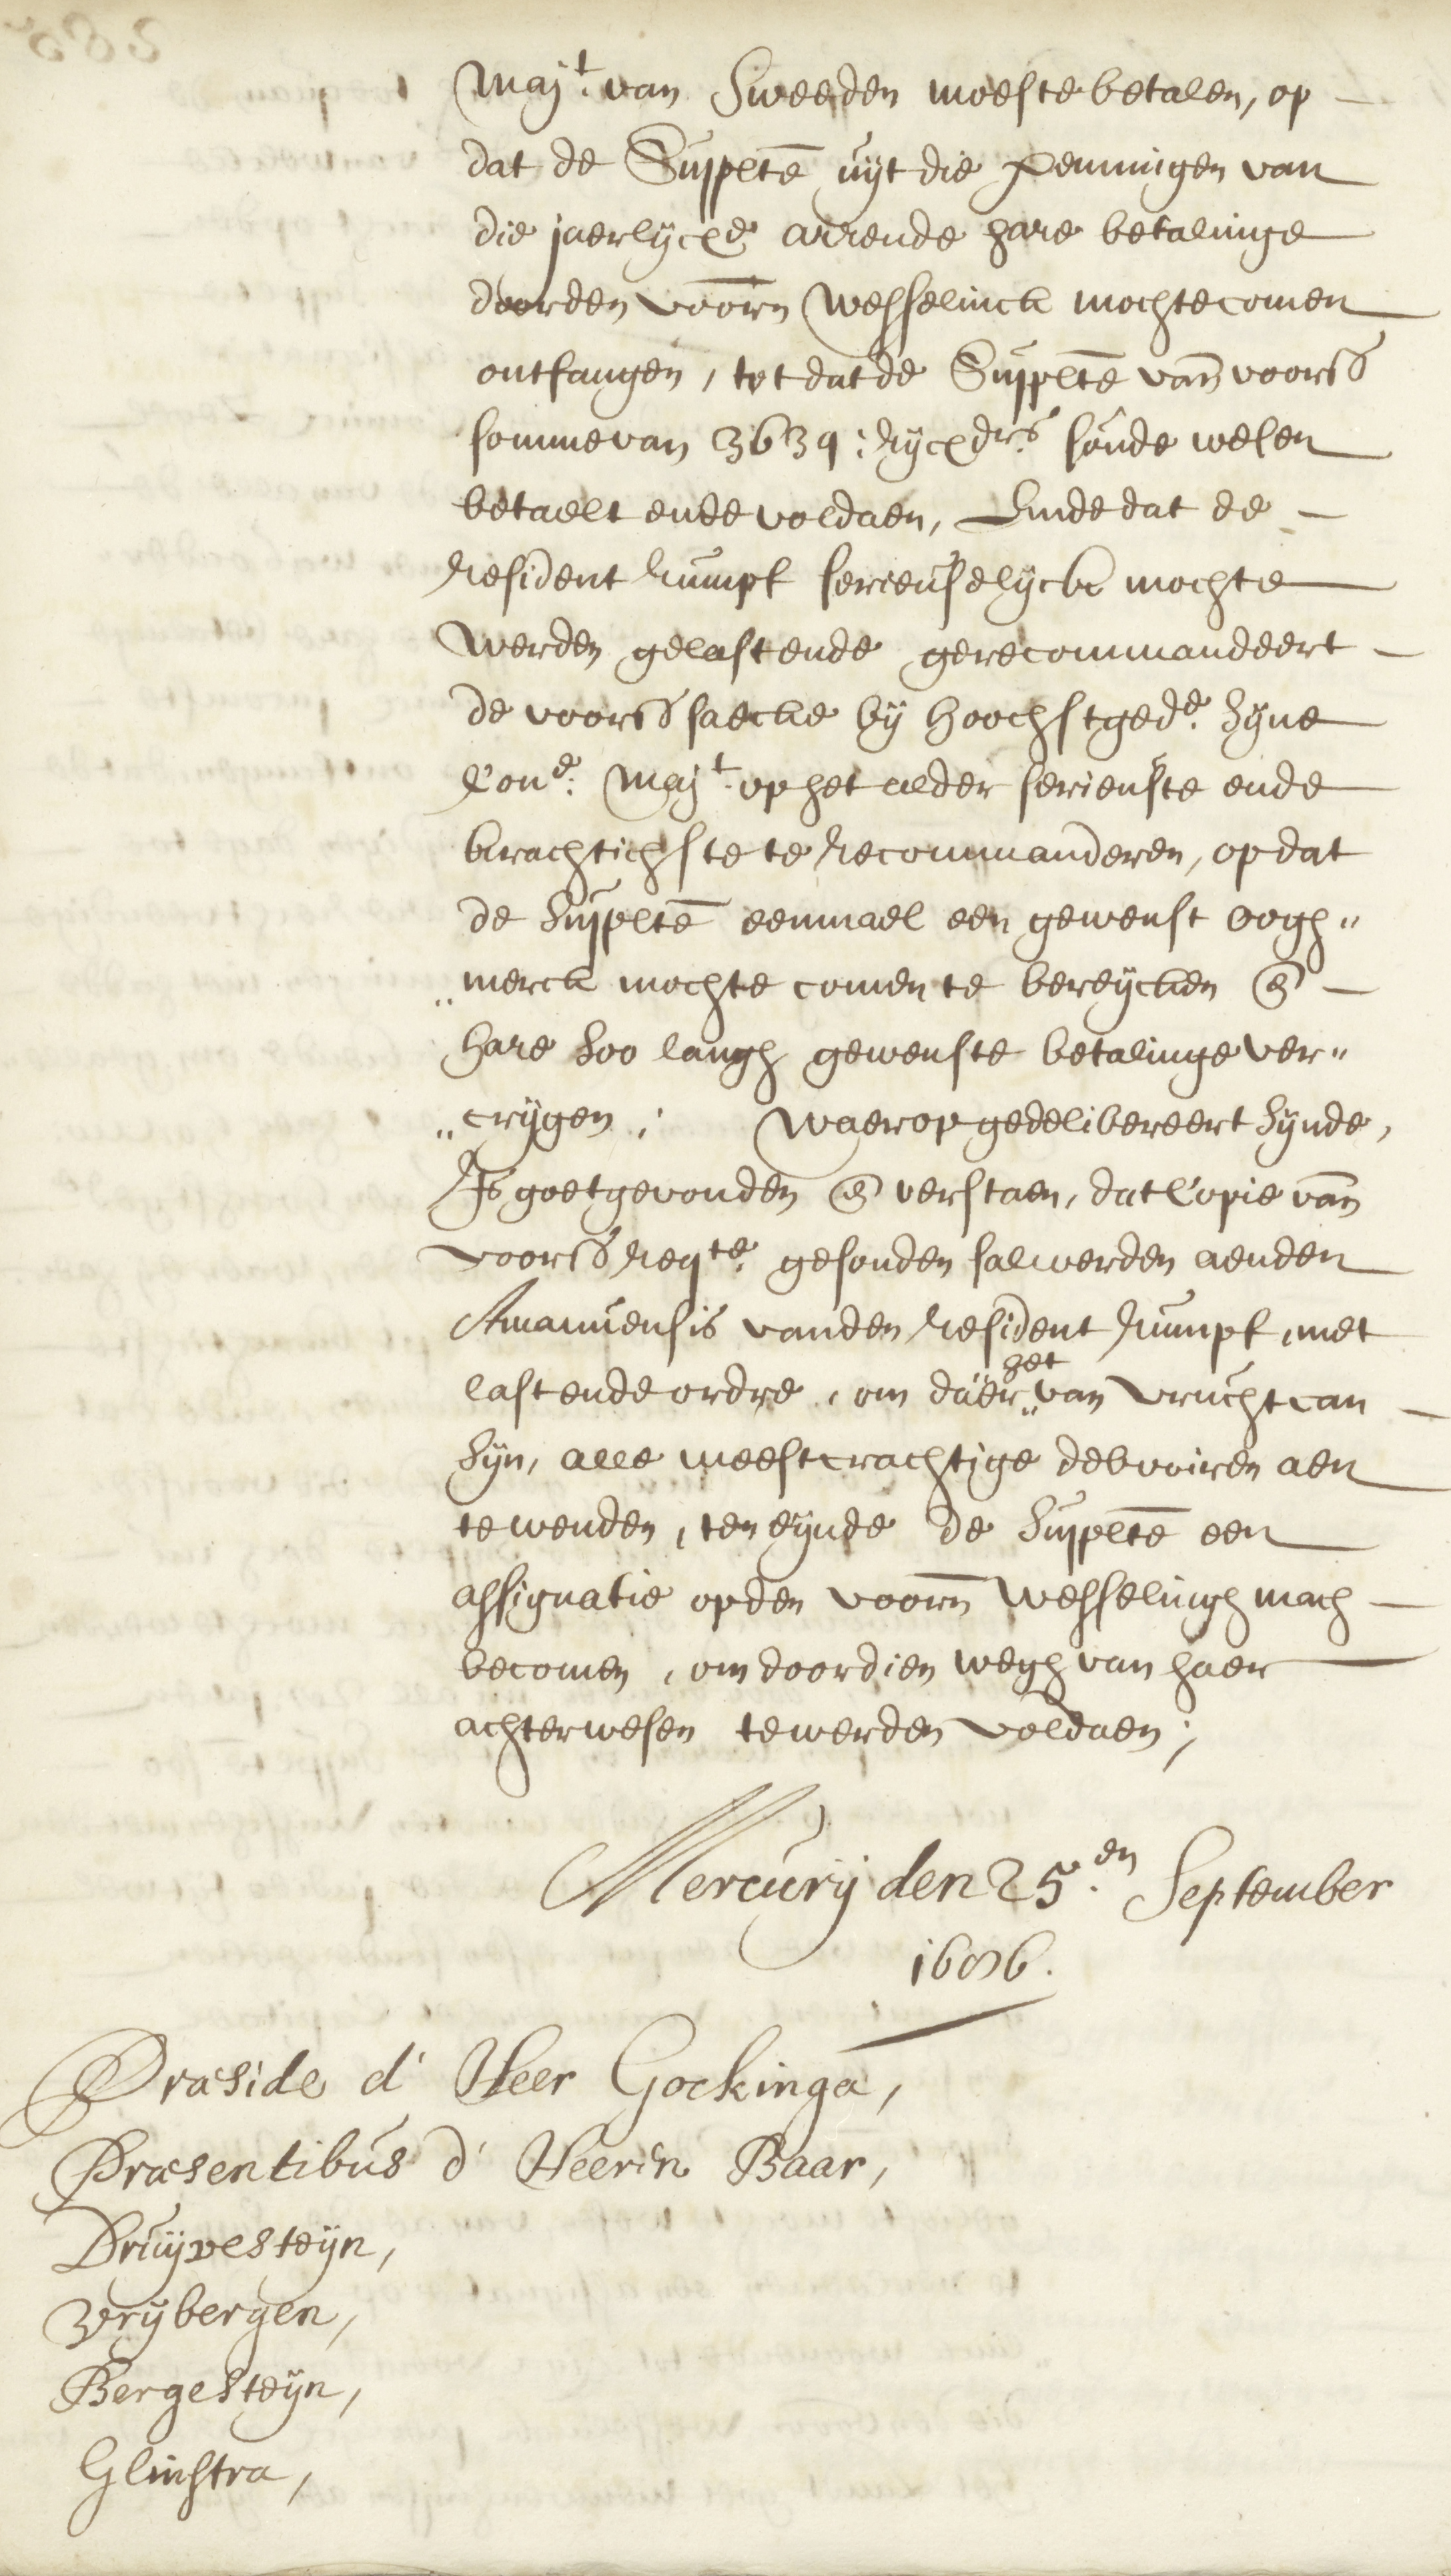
majt van Sweeden moeste betalen, op
dat de Supplte uijt die pennigen van
die jaerlijcxe arrende hare betalinge
doorden voorn Wesselinck mochte comen
ontfangen, tot dat de Supplte van voorsz
somme van 3639. rijcxdrs soude wesen
betaelt ende voldaen, Ende dat de —
resident rumpf serieuselijck mochte
worden gelast ende gerecommandeert
de voorsz saecke bij hoochstgede sijne
Cone. Majt. op het alder serieuste ende
krachtichste te recommanderen, opdat
de supplte eenmael een gewenst oogh,,
merck mochte comen te bereijcken & —
hare soo langh gewenste betalinge ver,,
crijgen: Waerop gedelibereert sijnde,
Is goetgevonden & verstaen, dat copie van
voorsz reqte. gesonden sal worden aenden
Amanuensis vanden resident Rumpf, met
lastende ordre, om daer ,,het ,, van vrucht can
sijn, alle meest crachtige debvoiren aen
te wenden, ten eijnde de Supplte een
assignatie opden voorn Wesselingh mach—
becomen, om doordien wegh van haer
achterwesen te werden voldaen;
Mercurij de 25en. September.
1686.
Præside d' Heer Gockinga,
Præsentibus d'Heeren Baar,
Druijvesteijn,
Vrijbergen,
Bergesteijn.
Glinstra,
